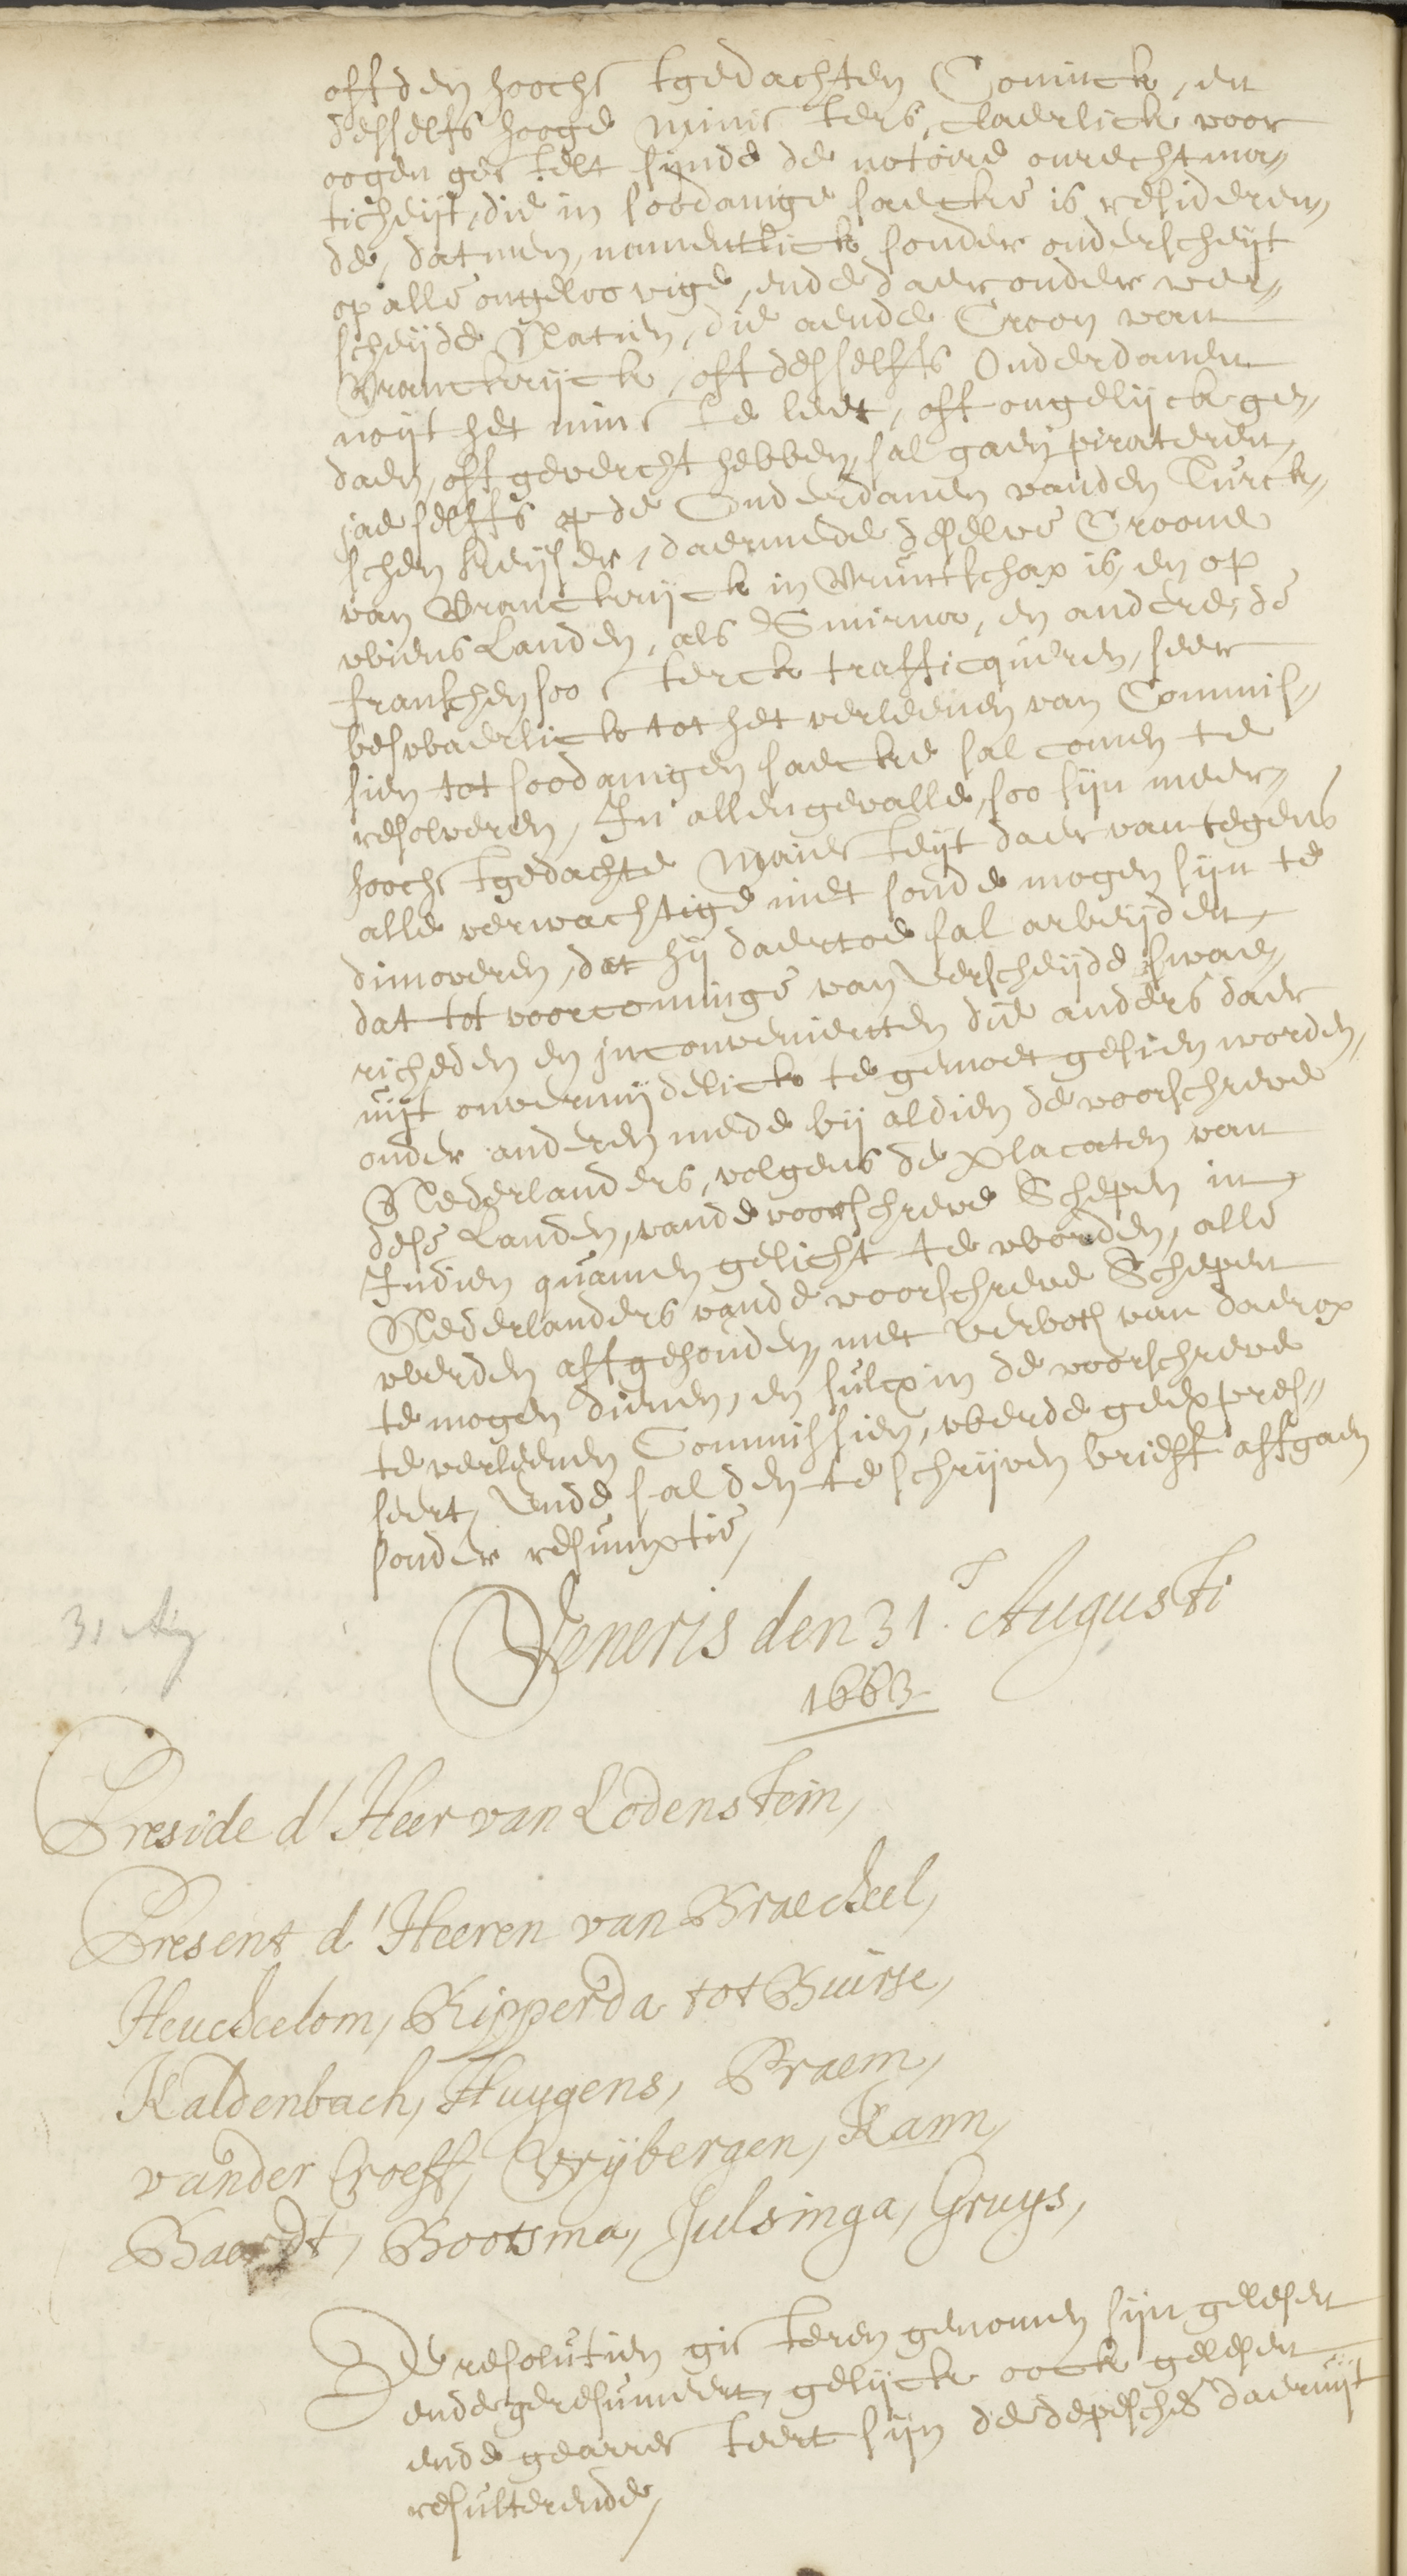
off den hoochstgedachten Coninck, en
desselfs hooge Ministers, claerlick voor
oogen gestelt sijnde de notoire onrechtma„
ticheijt, die in soodanige saecke is resideren„
de, datmen, namentlick sonder onderscheijt
op alle ongeloovige, ende daeronder ver„
scheijde Natien, die aende Croon van
Vranckrijck, off desselffs Onderdanen
noijt het minste leet, off ongelijck ge„
daen, off gevercht hebben, sal gaen pirateren,
jae selffs opde Onderdanen vanden Turck„
schen Keijser, daermede deselve Croone
van Vranckrijck in Vruntschap is, en op
wiens Landen, als Smirna, en andere, de
franschen soo sterck trafficqueren, seer
beswaerlick tot het verleenen van Commis„
sien tot soodanigen saecke sal comen te
resolveren, In allen gevalle, soo sijn meer„
hoochstgedachte Maiesteijt daervan tegens
alle verwachtige niet soude mogen sijn te
dimoveren, dat hij daertoe sal arbeijden,
dat tot voorcominge van verscheijde Swae„
richeden en inconvenienten die anders daer
uijt onvermijdelick te gemoet gesien worden,
onder anderen mede bij aldien de voorschreve
Nederlanders, volgens de placaten van
dese Landen, vande voorschreve Schepen in,
Indien quamen gelicht te worden, alle
Nederlanders vande voorschreve Schepen
werden affgehouden, met verboth van daerop
te mogen dienen, en sulcx in de voorschreve
te verleenen Commissien, werde geexpres„
seert. Ende sal den te schrijven brieff affgaen
sonder resumptie.
31 Aug
Veneris den 31en. Augusti
1663.
Preside d'Heer van Lodenstein,
Present d'Heeren van Braeckel,
Heuckelom, Ripperda tot Buirse,
Kaldenbach, Huygens, Braem,
vander Croeff, Vrijbergen, Kann,
Baerdt, Bootsma, Julsinga, Gruys.
De resolutien gisteren genomen sijn gelesen
ende geresumeert, gelijck oock gelesen
ende gearresteert sijn de depeschen daeruijt
resulterende.
